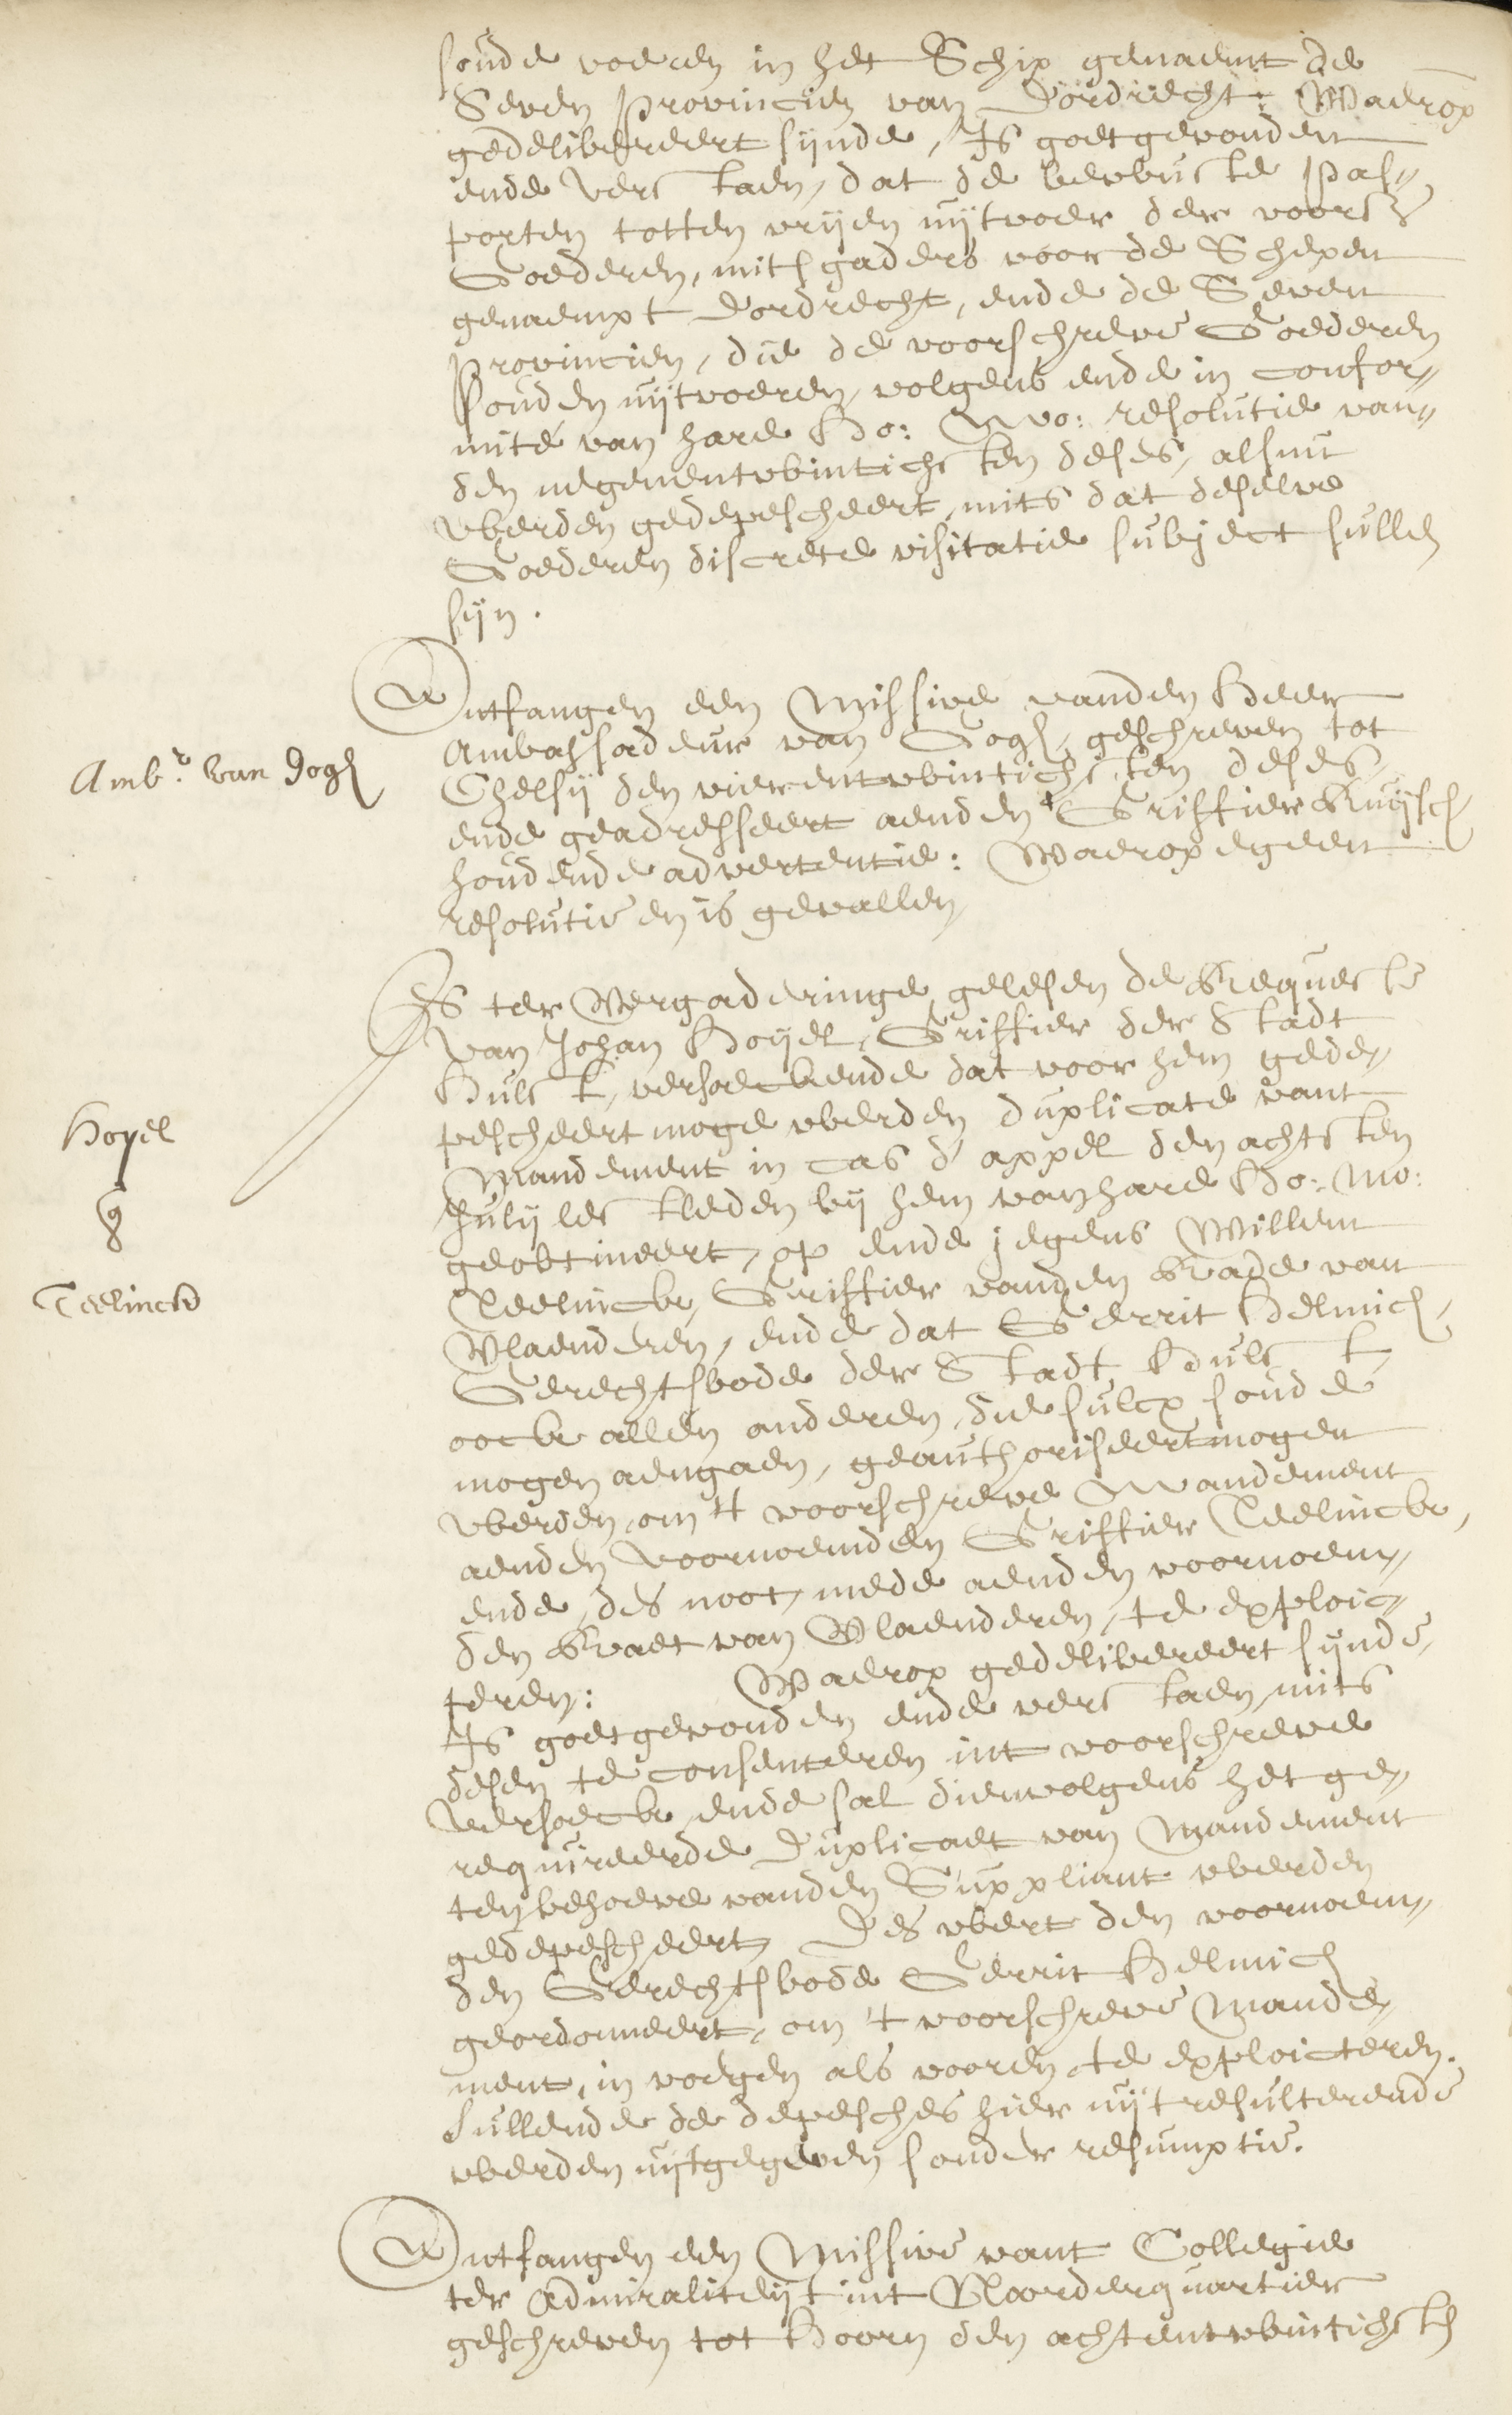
soude voeren in het Schip genaemt de
Seven Provincien van Dordrecht: Waerop
gedelibereert sijnde, is goetgevonden
ende verstaen, dat de bewuste pas„
porten totten vrijen uijtvoer der voors
Goederen, mitsgaders voor de schepen
genaempt Dordrecht, ende de Seven
Provincien, die de voorschreve Goederen
souden uijtvoeren, volgens ende in confor,,
mité van hare Ho:Mo: resolutie van„,
den negenentwintichsten deses, alsnu
werden gedepescheert, mits dat deselve
Goederen discrete visitatie subject sullen
sijn.
Ambr. van Gogh
Ontfangen een missive vanden Heer
Ambassadeur van Gogh, geschreven tot
Chelsij den vierentwintichsten deses
ende geadresseert aenden Griffier Buijsch,
houdende advertentie: Waerop egeen
resolutie en is gevallen.
Hoyel
ca
Teelinck
Is ter vergaderinge gelesen de Requeste
van Johan Hoijel, Griffier der Stadt
Hulst, versoeckende dat voor hem gede„
pescheert moge werden duplicate vant
mandement in cas d'appel den achtsten
Julij lestleden bij hem van hare Ho:Mo:
geobtineert, op ende jegens Willem
Teelinck, Griffier vanden Rade van
Vlaenderen, ende dat Gerrit Helmich,
Gerechtsbode der Stadt Hulst,
oock allen anderen, die sulcx soude
mogen aengaen, geauthoriseert mogen
werden, om 't voorschreve Mandement
aenden voornoemden Griffier Teelinck,
ende, des noot, mede aenden voornoem„
den Raet van Vlaenderen, te exploic,,
teren: Waerop gedelibereert sijnde,
Is goetgevonden ende verstaen, mits
desen te consenteren int voorschreve
versoeck, ende sal dienvolgens het ge„
requireerde duplicaet van mandement
ten behoeve vanden Suppliant werden
gedepescheert. Des wert den voornoem,,
den Gerechtsbode Gerrit Helmich
geordonneert, om 't voorschreve mande„
ment, in voegen als vooren te exploicteren.
sullende de depesches hier uijtresulterende
werden uijtgegeven sonder resumptie.
Ontfangen een missive vant Collegie
ter Admiraliteijt int Noorderquartier
geschreven tot Hoorn den achtentwintichsten
